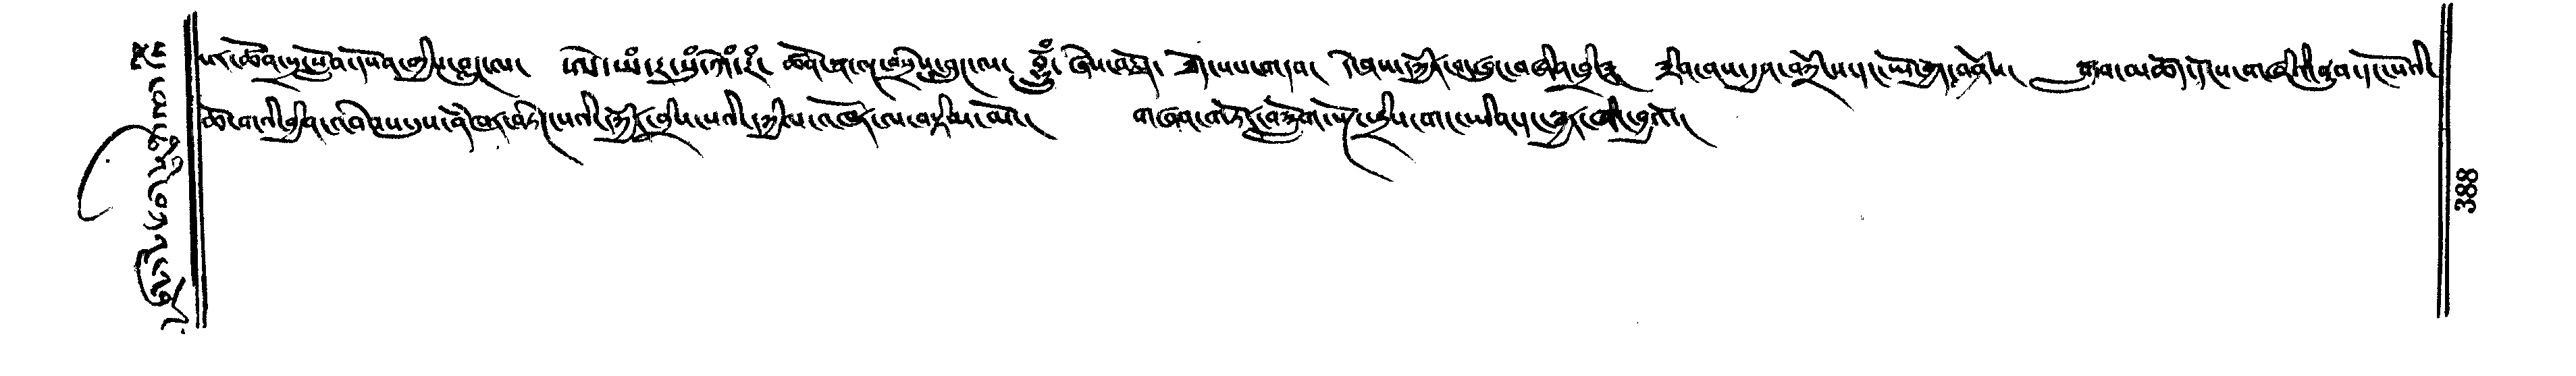པར་ཚོན་ཁྲ་སློབ་དཔོན་གྱིས་བླུགས་ལ། ཨེ་ཡཾ་རཾ་སུཾ་ཀེཾ་རཾ། ཚོན་སྣ་ལྔ་བསྲེས་བླུགས་ལ། བྷྲཱུྃ། ཞེས་བརྗོད། ཐོད་པས་གདབ། དེ་ནས་དཀྱིལ་འཁོར་གཞུང་བཞིན་བྲི། ཟིན་ནས་རྒྱན་བཀྲམ་པ་དང་ཡོ་བྱད་བཤམ། སྒྲུབ་མཆོད་དངོས་གཞིའི་ནུབ་དང་པོའི་
ཆོ་གའི་བྱིན་འབེབས་དུས་ནམ་མཁར་བཏེགས་པའི་དཀྱིལ་འཁོར་བྲིས་པའི་དཀྱིལ་འཁོར་ལ་བསྟིམ་མོ། གཞན་གཏོར་བཟློག་སོགས་ཕྲིན་ལས་གང་ཡིན་དང་སྦྱར་ཞིང་བྱའོ།། བཀྲ་ཤིས།།